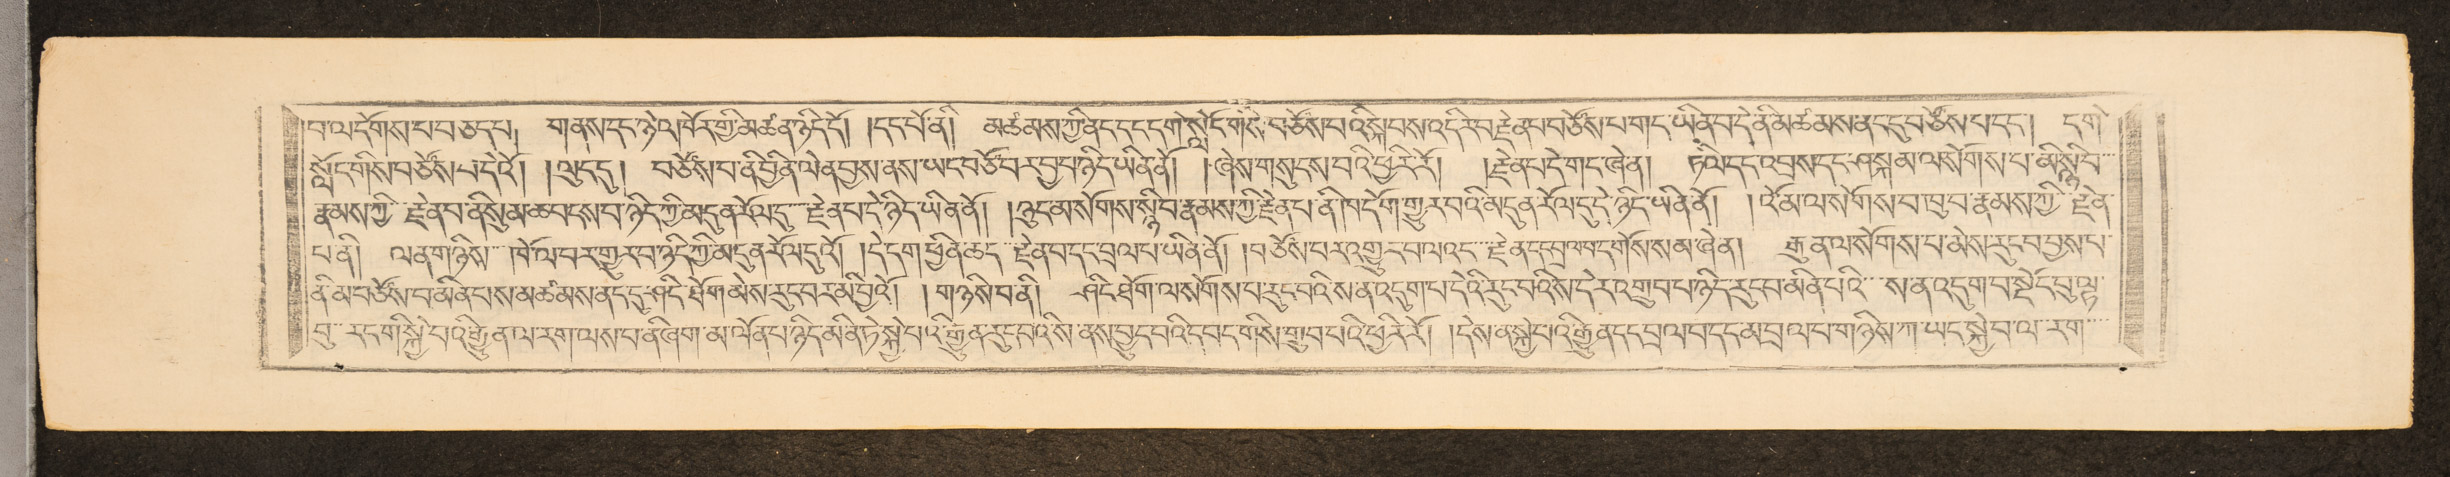བ་ལ་དོགས་པ་བཅད་པ། གནས་དང་ཉེ་འཁོར་གྱི་མཚན་ཉིད་དོ། །དང་པོ་ནི། མཚམས་ཀྱི་ནང་དང་དགེ་སློང་གིས་བཙོས་པའི་སྐབས་འདིར་བརྗེན་བ་བཙོས་པ་གང་ཡིན་པ་དེ་ནི་མཚམས་ནང་དུ་བཙོས་པ་དང་། དགེ་
སློང་གིས་བཙོས་པ་དེའོ། །ལུང་དུ། བཙོས་པ་ནི་བྱིན་ལེན་བྱས་ནས་ཡང་བཙོ་བར་བྱ་བ་ཉིད་ཡིན་ནོ། །ཞེས་གསུངས་པའི་ཕྱིར་རོ། །རྗེན་པ་དེ་གང་ཞེ་ན། ཏིལ་དང་འབྲས་དང་ཤ་སྐམ་ལ་སོགས་པ་མི་སྙི་བ་
རྣམས་ཀྱི་རྗེན་པ་ནི་སུམ་ཆ་བངས་པ་ཉིད་ཀྱི་མདུན་རོལ་དུ་རྗེན་པ་དེ་ཉིད་ཡིན་ནོ། །ཉུང་མ་སོགས་སྙི་བ་རྣམས་ཀྱི་རྗེན་པ་ནི་ཁ་དོག་གྱུར་བའི་མདུན་རོལ་དུ་དེ་ཉིད་ཡིན་ནོ། །འོ་མ་ལ་སོགས་པ་ཁུ་པ་རྣམས་ཀྱི་རྗེན་
པ་ནི། ལན་གཉིས་ཁོལ་བར་གྱུར་པ་ཉིད་ཀྱི་མདུན་རོལ་དུའོ། །དེ་དག་ཕྱིན་ཆད་རྗེན་པ་དང་བྲལ་བ་ཡིན་ནོ། །བཙོས་བར་འགྱུར་བ་ལའང་རྗེན་དང་བྲལ་བ་དགོས་སམ་ཞེ་ན། རྒུན་ལ་སོགས་པ་མེས་རུང་བ་བྱས་བ་
ནི་མ་བཙོས་པ་མིན་པས་མཚམས་ནང་དུ་ཤིང་ཐོག་མེས་རུང་བར་མི་བྱའོ། །གཉིས་པ་ནི། ཤིང་ཐོག་ལ་སོགས་པ་རུང་བའི་ས་ན་འདུག་བ་དེའི་རུང་བའི་ས་དེར་འགྲུབ་པ་ཉིད་རུང་བ་མིན་པའི་ས་ན་འདུག་བ་སྡོང་བུ་ལྟ་
བུ་རང་གི་སྐྱེ་བའི་རྒྱུན་ལ་རག་ལས་པ་ནི་ཞག་མ་ལོན་པ་ཉིད་མིན་ཏེ་སྐྱེ་བའི་རྒྱུན་རུང་བའི་ས་ནས་བྱུང་བའི་དབང་གིས་གྲུབ་པའི་ཕྱིར་རོ། །དེས་ན་སྐྱེ་བའི་རྒྱུན་དང་བྲལ་བ་དང་མ་བྲལ་བ་གཉིས་ཀ་ཡང་སྐྱེ་བ་ལ་རག་